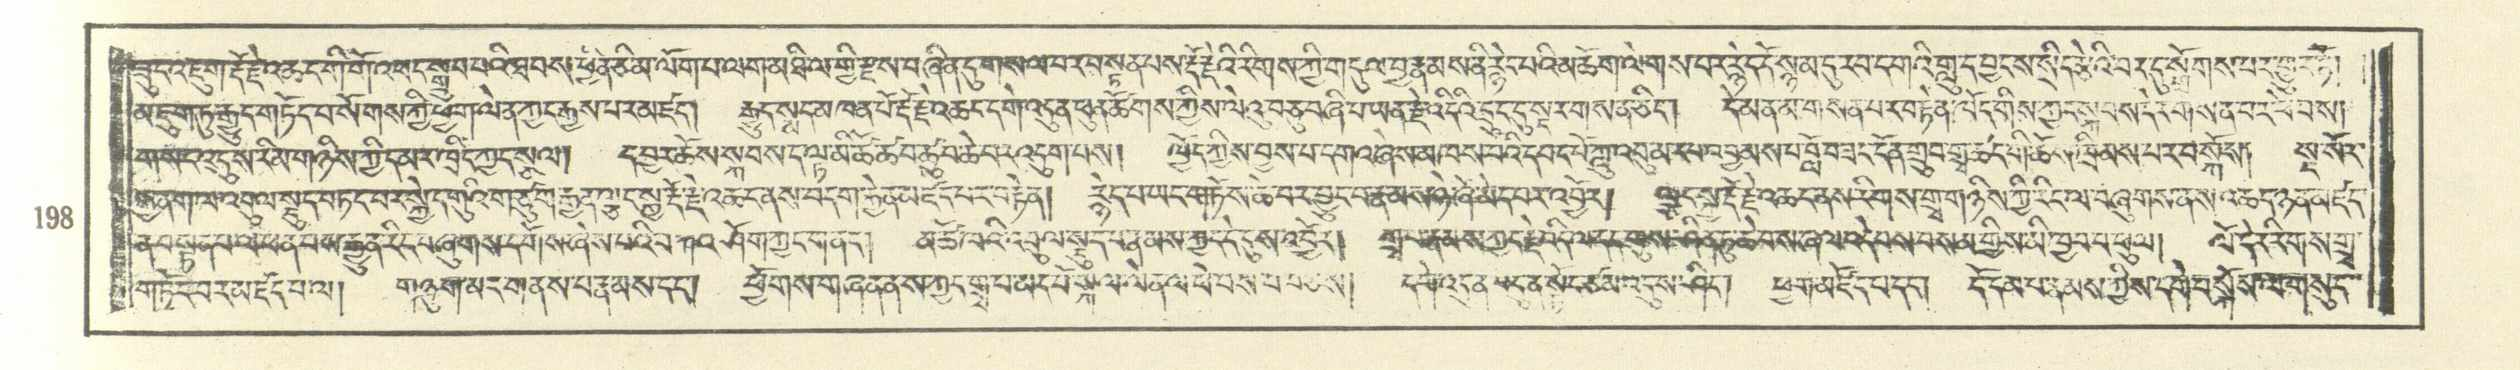ཟུང་འཇུག་རྡོ་རྗེ་འཆང་གི་གོ་འཕང་སྒྲུབ་པའི་ཐབས་ཕྱིན་ཅི་མ་ལོག་པ་ལག་མཐི་ལ་གྱི་རྫས་བཞིན་དུ་གསལ་བར་བསྟན་པས་རྡོ་རྗེའི་རིགས་ཀྱི་གདུལ་བྱ་རྣམས་ནི་རྙེད་པའི་མཆོག་ལེགས་པར་རྙེད་དོ་སྙམ་དུ་རབ་དགའི་གླུ་དབྱངས་སྲིད་རྩེའི་བར་དུ་སྒྲོགས་པར་གྱུར་ཏོ། །
མཇུག་ཏུ་རྒྱུད་གཏོད་པ་སོགས་ཀྱི་ཕྱག་ལེན་ཀྱང་རྒྱས་པར་མཛད། རྒྱུད་སྨད་མཁན་པོ་རྡོ་རྗེ་འཆང་དགེ་འདུན་ཕུན་ཚོགས་ཀྱིས་ལེའུ་བཅུ་བཞི་པ་ཡན་རྗེ་འདིའི་དྲུང་དུ་སྡར་གསན་ཅིང་། དེ་མན་མ་གསན་པར་བརྟེན་ཁོང་གིས་ཀྱང་སྐབས་དེར་གསན་པར་ཕེབས།
གསང་འདུས་རིམ་གཉིས་ཀྱི་དམར་ཁྲིད་ཀྱང་སྩལ། དབྱར་ཆོས་སྐབས་ད་ལྟ་མི་ཚོ་ཚབ་ཚུབ་ཆེ་བར་འདུག་པས། ཁྱོད་ཀྱིས་བྱས་པ་དགའ་ཞེས་མཁས་པའི་དབང་པོ་ཀླུ་འབུམ་རབ་འབྱམས་པ་བློ་བཟང་དོན་གྲུབ་གྲྭ་ཚང་གི་ཆོས་ཁྲིམས་པར་བསྐོས། སྔ་སོར་
རྒྱ་ནག་ལ་འབུལ་སྡུད་བཏང་བར་སྐྱེ་དགུའི་གཙུག་རྒྱན་ལྕང་སྐྱ་རྡོ་རྗེ་འཆང་ནས་བདག་རྐྱེན་མཛད་པར་བརྟེན། རྙེད་པ་ཡང་གཏོས་ཆེ་བར་བྱུང་བ་རྣམས་ཉེ་ཞོ་མེད་པར་འབྱོར། ལྕང་སྐྱ་རྡོ་རྗེ་འཆང་ནས་རིགས་གྲྭ་གཉིས་ཀྱི་རིང་ལ་བཞུགས་ནས་འཆད་ཉན་མཛད་
ན་བསྟན་པ་ལ་ཕན་པས་རྒྱུན་རིང་བཞུགས་དགོས་ཞེས་པའི་བཀའ་ཤོག་ཀྱང་གནང་། མཚོ་ཁའི་འབུལ་སྡུད་པ་རྣམས་ཀྱང་དེ་དུས་འབྱོར། གྲྭ་པ་རྣམས་ཀྱང་རྗེ་འདི་ལ་དད་གུས་ཤིན་ཏུ་ཆེ་བས་ཞལ་འདེབས་བསམ་གྱིས་མི་ཁྱབ་པ་ཕུལ། ལོ་དེར་རིགས་གྲྭ་
གཏོང་བར་མཛད་པ་ལ། གཉུག་མར་གནས་པ་རྣམས་དང་། ཕྱོགས་གཞན་ནས་ཀྱང་གྲྭ་པ་མང་པོ་སྐལ་ལེན་ལ་ཕེབས་བ་བཅས། དགེ་འདུན་བདུན་སྟོང་ཙམ་འདུས་ཤིང་། ཕྱག་མཛོད་པ་དང་། དོ་དམ་པ་རྣམས་ཀྱིས་དགེ་བསྐོས་ལ་གསུང་